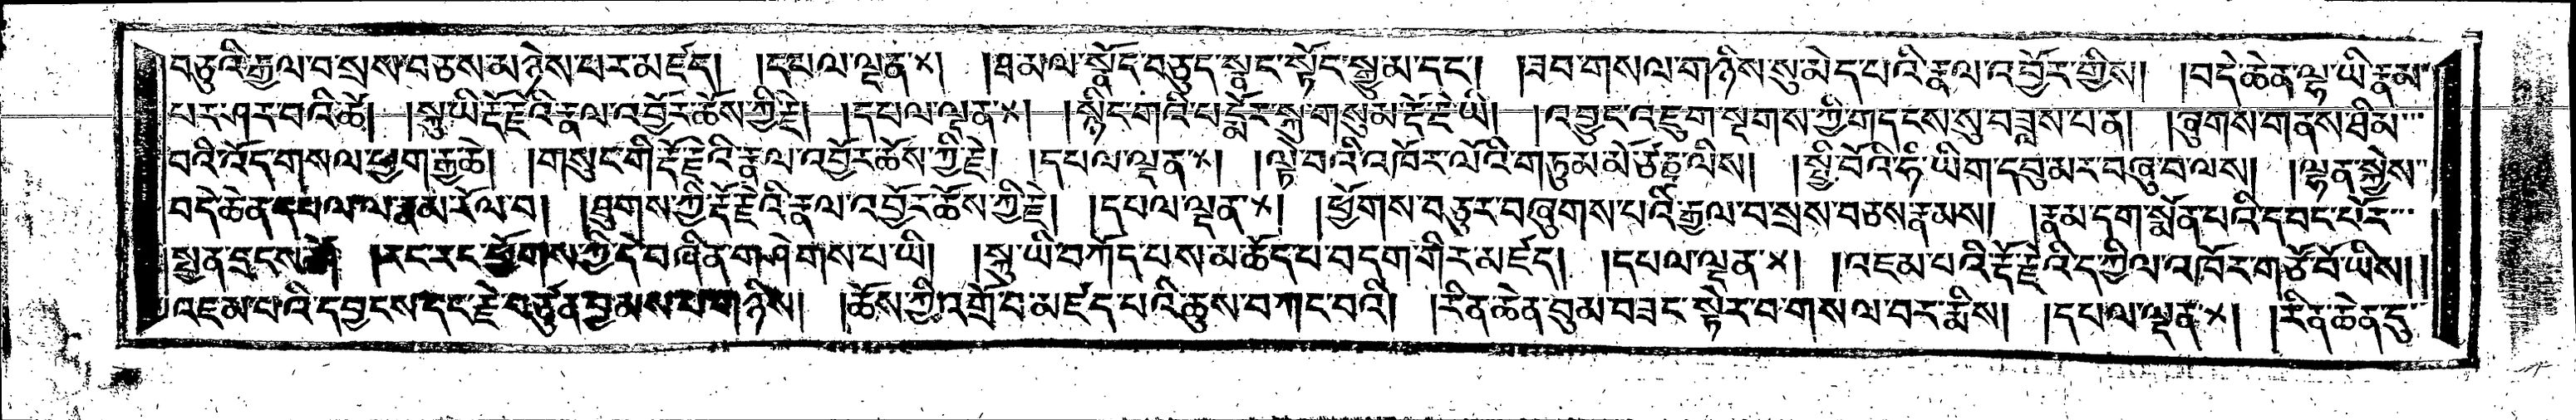བཅུའི་རྒྱལ་བ་སྲས་བཅས་མཉེས་པར་མཛད། །དཔལ་ལྡན་{྾}། །ཐ་མལ་སྣོད་བཅུད་སྣང་སྟོང་སྒྱུ་མ་དང་། །ཟབ་གསལ་གཉིས་སུ་མེད་པའི་རྣལ་འབྱོར་གྱིས། །བདེ་ཆེན་ལྷ་ཡི་རྣམ་
པར་ཤར་བའི་ཚེ། །སྐུ་ཡི་རྡོ་རྗེའི་རྣལ་འབྱོར་ཆོས་ཀྱི་རྗེ། །དཔལ་ལྡན་{྾}། །སྙིང་གའི་པདམོར་སྐུ་གསུམ་རྡོ་རྗེ་ཡི། །འབྱུང་འཇུག་སྔགས་ཀྱི་གདངས་སུ་བཟླས་པ་ན། །ཞུགས་གནས་ཐིམ་
པའི་འོད་གསལ་ཕྱག་རྒྱ་ཆེ། །གསུང་གི་རྡོ་རྗེའི་རྣལ་འབྱོར་ཆོས་ཀྱི་རྗེ། །དཔལ་ལྡན་{྾}། །ལྟེ་བའི་འཁོར་ལོའི་གཏུམ་མོ་ཙཎྜ་ལིས། །སྤྱི་བོའི་ཧཾ་ཡིག་དབུ་མར་བཞུ་བ་ལས། །ལྷན་སྐྱེས་
བདེ་ཆེན་དཔལ་ལ་རྣམ་རོལ་བ། །ཐུགས་ཀྱི་རྡོ་རྗེའི་རྣལ་འབྱོར་ཆོས་ཀྱི་རྗེ། །དཔལ་ལྡན་{྾}། །ཕྱོགས་བཅུར་བཞུགས་པའི་རྒྱལ་བ་སྲས་བཅས་རྣམས། །རྣམ་དག་སྨོན་པའི་དབང་པོར་
སྤྱན་དྲངས་ཚེ། །རང་རང་ཕྱོགས་ཀྱི་དེ་བཞིན་གཤེགས་པ་ཡི། །སྐུ་ཡི་བཀོད་པས་མཆོད་པ་བདག་གིར་མཛད། །དཔལ་ལྡན་{྾}། །འཇམ་པའི་རྡོ་རྗེའི་དཀྱིལ་འཁོར་གཙོ་བོ་ཡིས། །
འཇམ་པའི་དབྱངས་དང་རྗེ་བཙུན་བྱམས་པ་གཉིས། །ཆོས་ཀྱི་འགྲོ་བ་མཛད་པའི་ཆུས་བཀང་བའི། །རིན་ཆེན་བུམ་བཟང་སྟེར་བ་གསལ་བར་རྨིས། །དཔལ་ལྡན་{྾}། །རིན་ཆེན་དུ་